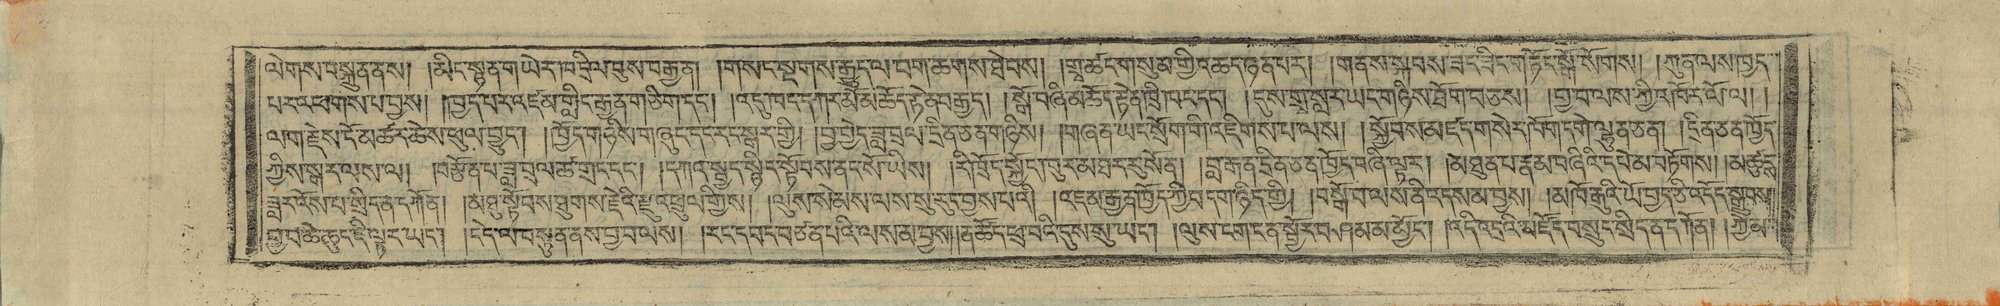ལེགས་བསྐྲུན་ནས། །མིང་སྙན་གཡེར་ཁ་དྲིལ་བུས་བརྒྱན། །གསང་སྔགས་རྒྱུད་ལ་བག་ཆགས་ཐེབས། །གྲྭ་ཚང་གསུམ་གྱི་འཆད་ཉན་པར། །གནས་སྐབས་ཟང་ཟིང་གཏོང་སྒོ་སོགས། །ཀུན་ལས་ཁྱད་
པར་འཕགས་པ་བྱས། །ཁྱད་པར་འཛམ་གླིང་རྒྱན་གཅིག་དང་། །འདུ་ཁང་དཀར་མོ་མཆོད་རྟེན་བརྒྱད། །སྒོ་བཞི་མཆོད་རྟེན་ཁྲི་ཁང་དང་། །དུས་གྲྭ་སླར་ཡང་གཉིས་ཐོག་བཅས། །བྱ་བ་ལས་ཀྱི་འཁོར་ལོ་ལ། །
ལག་རྗེས་ངོ་མཚར་ཆེས་ཕུལ་བྱུང་། །ཁྱོད་གཉིས་གཞུང་དང་རང་སྒར་གྱི། །བྱ་བྱེད་ཟླ་བྲལ་དྲིན་ཅན་གཉིས། །གཞན་ཡང་སྲོག་གི་འཇིགས་པ་ལས། །སྐྱོབས་མཛད་གསེར་ཁོག་དགེ་ལྷུན་ཅན། །དྲིན་ཅན་ཁྱོད་
ཀྱིས་སྒར་ལས་ལ། །བརྩོན་པ་ཟླ་བྲལ་ཚ་གྲང་དང་། །དཀའ་སྤྱད་སྙིང་སྟོབས་ནང་སོ་ཡིས། །རི་ཁྲོད་སྐྱོང་ཁུར་མཐར་རུ་སོན། །བླ་རྒན་དྲིན་ཅན་ཁྱོད་བཞི་ལྟར། །མཐུན་པ་རྣམ་བཞིའི་དཔེ་མ་བཏོགས། །མཚུངས་
ཟླར་འོས་པ་སྲིད་ན་དཀོན། །མཐུ་སྟོབས་ཐུགས་རྗེའི་རྫུ་འཕྲུལ་གྱིས། །ལུས་སེམས་ལས་སུ་རུང་བྱས་པའི། །འཇམ་རྒྱན་ཁྱོད་ཀྱི་བདག་ཉིད་ཀྱི། །བསྒོ་བ་ལས་ནི་འདས་མ་བྱས། །མཁོ་རྒུའི་ཡོ་བྱད་ཅི་འདོད་སྒྲུབས། །
བྱ་བ་ཆེ་ཆུང་ཇི་ལྟར་ཡང་། །ངེད་ལ་བསྟུན་ནས་བྱ་བ་ལས། །རང་དབང་བཙན་པའི་ལས་མ་བྱས། །ན་ཚོད་ཕྲ་བའི་དུས་སུ་ཡང་། །ལུས་ངག་ངན་སྦྱོར་བཤམ་མ་མྱོང་། །འདི་འདྲའི་མཛོད་བསྲུང་སྲིད་ན་དཀོན། །ཀྱེ་མ་